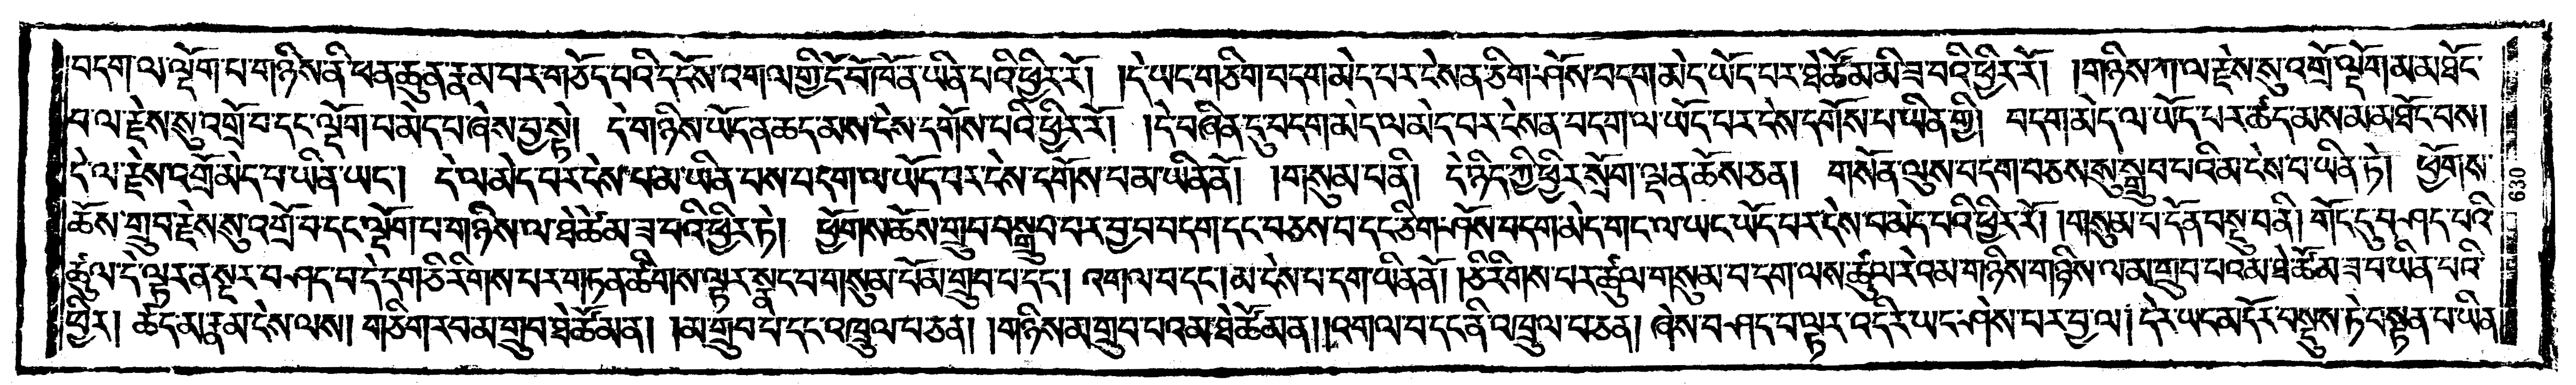བདག་ལ་ལྡོག་པ་གཉིས་ནི་ཕན་ཆུན་རྣམ་པར་གཅོད་པའི་དངོས་འགལ་གྱི་ངོ་བོ་ཁོ་ན་ཡིན་པའི་ཕྱིར་རོ། །དེ་ཡང་གཅིག་བདག་མེད་པར་ངེས་ན་ཅིག་ཤོས་བདག་མེད་ཡོང་པར་ཐེ་ཚོམ་མི་ཟ་བའི་ཕྱིར་རོ། །གཉིས་ཀ་ལ་རྗེས་སུ་འགྲོ་ལྡོག་མ་མཐོང་
པ་ལ་རྗེས་སུ་འགྲོ་བ་དང་ལྡོག་པ་མེད་པ་ཞེས་བྱ་སྟེ། དེ་གཉིས་ཡོད་ན་ཆད་མས་ངེས་དགོས་པའི་ཕྱིར་རོ། །དེ་བཞིན་དུ་བདག་མེད་ལ་མེད་པར་ངེས་ན་བདག་ལ་ཡོད་པར་ངེས་དགོས་པ་ཡིན་གྱི། བདག་མེད་ལ་ཡོད་པར་ཚད་མས་མ་མཐོང་བས།
དེ་ལ་རྗེས་འགྲོ་མེད་པ་ཡིན་ཡང་། དེ་ལ་མེད་པར་ངེས་པ་མ་ཡིན་པས་བདག་ལ་ཡོད་པར་ངེས་དགོས་པ་མ་ཡིན་ནོ། །གསུམ་པ་ནི། དེ་ཉིད་ཀྱི་ཕྱིར་སྲོག་ལྡན་ཆོས་ཅན། གསོན་ལུས་བདག་བཅས་སུ་སྒྲུབ་པའི་མ་ངེས་པ་ཡིན་ཏེ། ཕྱོགས་
ཆོས་གྲུབ་རྗེས་སུ་འགྲོ་བ་དང་ལྡོག་པ་གཉིས་ལ་ཐེ་ཚོམ་ཟ་བའི་ཕྱིར་ཏེ། ཕྱོགས་ཆོས་གྲུབ་བསྒྲུབ་པར་བྱ་བ་བདག་དང་བཅས་པ་དང་ཅིག་ཤོས་བདག་མེད་གང་ལ་ཡང་ཡོད་པར་ངེས་པ་མེད་པའི་ཕྱིར་རོ། །གསུམ་པ་དོན་བསྡུ་བ་ནི། གོང་དུ་བཤད་པའི་
ཚུལ་དེ་ལྟར་ན་སྔར་བཤད་པ་དེ་དག་ཅི་རིགས་པར་གཏན་ཚིགས་ལྟར་སྣང་བ་གསུམ་པོ་མ་གྲུབ་པ་དང་། འགལ་བ་དང་། མ་ངེས་པ་དག་ཡིན་ནོ། །ཅི་རིགས་པར་ཚུལ་གསུམ་པ་དག་ལས་ཚུལ་རེའམ་གཉིས་གཉིས་ལམ་གྲུབ་པའམ་ཐེ་ཚོམ་ཟ་བ་ཡིན་པའི་
ཕྱིར། ཚད་མ་རྣམ་ངེས་ལས། གཅིག་རབ་མ་གྲུབ་ཐེ་ཚོམ་ན། །མ་གྲུབ་པ་དང་འཁྲུལ་པ་ཅན། །གཉིས་མ་གྲུབ་པའམ་ཐེ་ཚོམ་ན། །འགལ་བ་དང་ནི་འཁྲུལ་པ་ཅན། ཞེས་བཤད་པ་ལྟར་འདིར་ཡང་ཤེས་པར་བྱ་ལ། དེར་ཡང་མདོར་བསྡུས་ཏེ་བསྟན་པ་ཡིན་